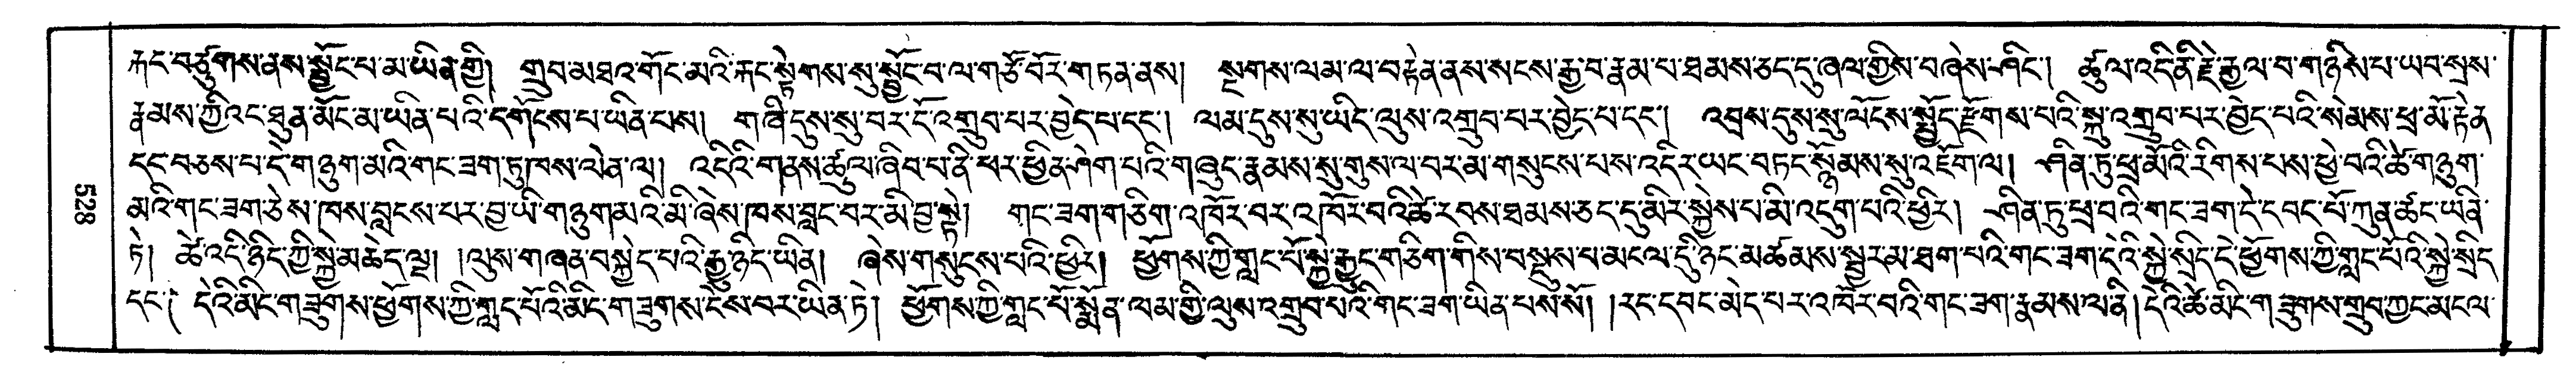རྐང་བཙུགས་ནས་སྦྱོང་བ་མ་ཡིན་གྱི། གྲུབ་མཐའ་གོང་མའི་རྐང་སྟེགས་སུ་སྦྱོང་བ་ལ་གཙོ་བོར་གཏད་ནས། སྔགས་ལམ་ལ་བརྟེན་ནས་སངས་རྒྱ་བ་རྣམ་པ་ཐམས་ཅད་དུ་ཞལ་གྱིས་བཞེས་ཤིང་། ཚུལ་འདི་ནི་རྗེ་རྒྱལ་བ་གཉིས་པ་ཡབ་སྲས་
རྣམས་ཀྱིའང་ཐུན་མོང་མ་ཡིན་པའི་དགོངས་པ་ཡིན་པས། གཞི་དུས་སུ་བར་དོ་འགྲུབ་པར་བྱེད་པ་དང་། ལམ་དུས་སུ་ཡིད་ལུས་འགྲུབ་པར་བྱེད་པ་དང་། འབྲས་དུས་སུ་ལོངས་སྦྱོད་རྫོགས་པའི་སྐུ་འགྲུབ་པར་བྱེད་པའི་སེམས་ཕྲ་མོ་རྟེན་
དང་བཅས་པ་དེ་གཉུག་མའི་གང་ཟག་ཏུ་ཁས་ལེན་ལ། འདིའི་གནས་ཚུལ་ཞིབ་པ་ནི་ཕར་ཕྱིན་ཐེག་པའི་གཞུང་རྣམས་སུ་གསལ་བར་མ་གསུངས་པས་འདིར་ཡང་བཏང་སྙོམས་སུ་འཇོག་ལ། ཤིན་ཏུ་ཕྲ་མོའི་རིགས་པས་ཕྱེ་བའི་ཆེ་གཉུག་
མའི་གང་ཟག་ཅེས་ཁས་བླངས་པར་བྱ་ཡི་གཉུག་མའི་མི་ཞེས་ཁས་བླང་བར་མི་བྱ་སྟེ། གང་ཟག་གཅིག་འཁོར་བར་འཁོར་བའི་ཚེ་རབས་ཐམས་ཅད་དུ་མིར་སྐྱེས་པ་ཨི་འདུག་པའི་ཕྱིར། ཤིན་ཏུ་བའི་གང་ཟག་དེ་དབང་པོ་ཀུན་ཚད་ཡིན་
ཏེ༑ ཚེ་འདི་ཉིད་ཀྱི་སྐྱེ་མཆེད་ལྔ། །ལུས་གཞན་བསྐྱེད་པའི་རྒྱུ་ཉིད་ཡིན། ཞེས་གསུངས་པའི་ཕྱིར། ཕྱོགས་ཀྱི་གླང་པོ་སྐྱེ་རྒྱུད་གཅིག་གིས་བསྡུས་པ་མངལ་དུ་ཉང་མཚམས་སྦྱར་མ་ཐག་པའི་གང་ཟག་དེའི་སྐྱེ་སྲིད་དེ་ཕྱོགས་ཀྱི་གླང་པོའི་སྐྱེ་སྲིད་
དང༑ དེའི་མིང་གཟུགས་ཕྱོགས་ཀྱི་གླང་པོའི་མིང་གཟུགས་ངེས་པར་ཡིན་ཏེ། ཕྱོགས་ཀྱི་གླང་པོ་སྨོན་ལམ་གྱི་ལུས་འགྲུབ་པའི་གང་ཟག་ཡིན་པས་སོ། །རང་དབང་མེད་པར་འཁོར་བའི་གང་ཟག་རྣམས་ལ་ནི། དེའི་ཚེ་མིང་གཟུགས་གྲུབ་ཀྱང་མངལ་